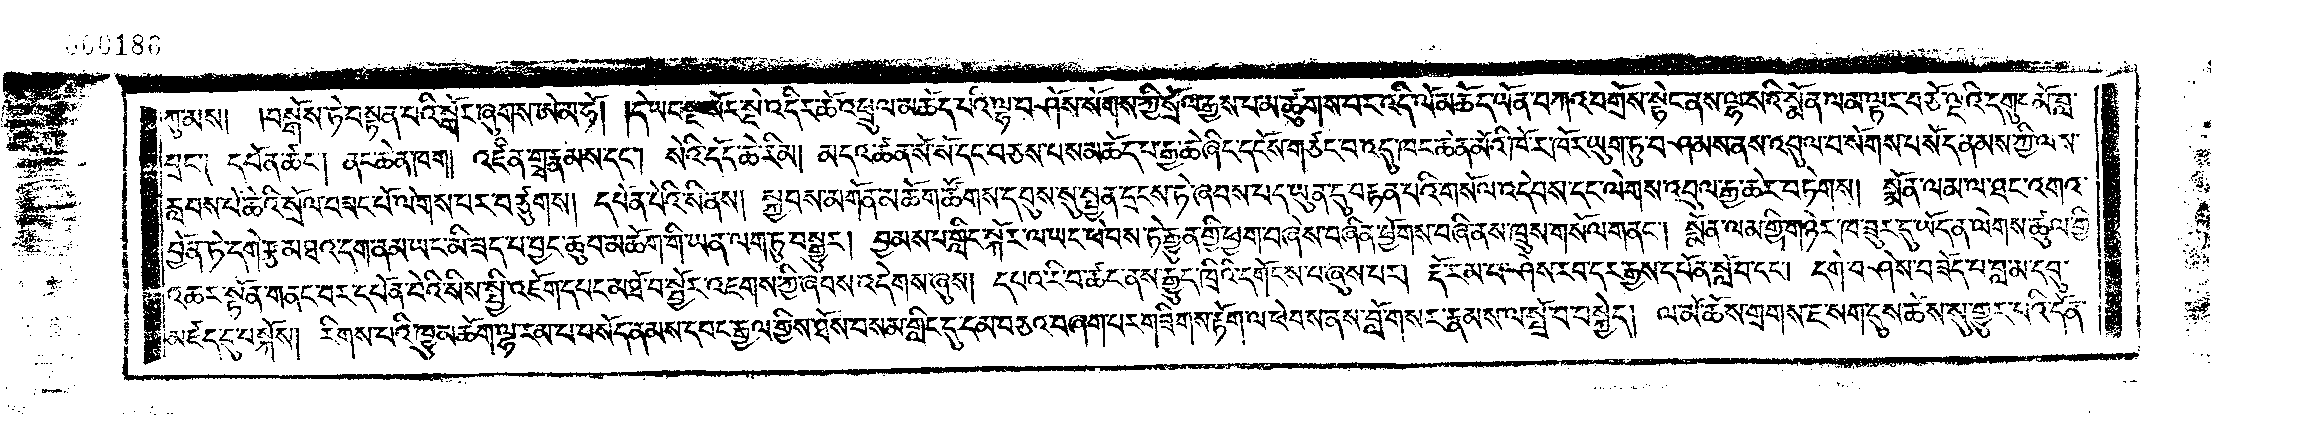ཀུ་མས། །བསྒོས་ཏེ་བསྟན་པའི་སྒོར་ཞུགས་ཨེ་མ་ཧོ། །དེ་ཡང་སྔ་སོང་སྔེ་འདིར་ཆོ་འཕྲུལ་མཆོད་པའི་ལྷ་བཤོས་སོགས་ཀྱི་སྲོལ་རྒྱས་པ་མ་ཚུགས་པར་འདི་ལོ་མཆོད་ཡོན་བཀའ་བགྲོས་སྟེང་ནས་ལྷ་སའི་སྨོན་ལམ་ལྟར་བཅོ་ལྔའི་དགུང་མོ་བླ་
བྲང༑ དཔོན་ཚང་། ནང་ཆེན་ཁག། འཛིན་གྲྭ་རྣམས་དང་། སེའི་དོད་ཆེ་རིམ། མདའ་ཚན་སོ་སོ་དང་བཅས་པས་མཆོད་པ་རྒྱ་ཆེ་ཞིང་དངོས་གཙང་བ་འདུ་ཁང་ཆེན་མོའི་ཁོ་ར་ཁོར་ཡུག་ཏུ་བཤམས་ནས་འབུལ་བ་སོགས་བསོད་ནམས་ཀྱི་ལས་
རླབས་པེ་ཆེའི་སྲོལ་བཟང་པོ་ལེགས་པར་བཙུགས། དཔོན་པེའི་སི་ནས། སྐྱབས་མགོན་མཆོག་ཚོགས་དབུས་སུ་སྤྱན་དྲངས་ཏེ་ཞབས་པད་ཡུན་དུ་བརྟན་པའི་གསོལ་འདེབས་དང་ལེགས་འབུལ་རྒྱ་ཆེར་བཏེགས། སྨོན་ལམ་ལ་ཐང་འགའ་
བྱོན་ཏེ་དགེ་རྩ་མཐའ་དག་ནམ་ཡང་མི་ཟད་པ་བྱང་ཆུབ་མཆོག་གི་ཡན་ལག་ཏུ་བསྒྱུར། བྱམས་པ་གླིང་སྐོར་ལ་ཡང་ཕེབས་ཏེ་རྒྱུན་གྱི་ཕྱག་བཞེས་བཞིན་ཕྱོགས་བཞི་ནས་ཁྲུས་གསོལ་གནང་། སྨོན་ལམ་གྱི་གཉེར་ཁ་ཟུར་དུ་ཡོད་ན་ལེགས་ཚུལ་གྱི་
འཆར་སྟོན་གནང་བར་དཔོན་བེའི་སིས་སྤྱི་འཇོག་དབང་མཐོ་བ་སྦྱོར་འཇགས་ཀྱི་ཞབས་འདེགས་ཞུས། དཔའ་རི་བ་ཚང་ནས་རྒྱུད་ཁྲིའི་དགོངས་པ་ཞུས་པར། རྡོ་རམ་པ་ཤེས་རབ་དར་རྒྱས་དཔོན་སློབ་དང་། དགེ་བཤེས་བཟོད་པ་བླ་མ་དབུ་
མཛད་དུ་བསྐོས། རིགས་པའི་ཁྱུ་མཆོག་ལྷ་རམ་པ་བསོད་ནམས་མདྦང་རྒྱལ་གྱིས་ཐོས་བསམ་གླིང་དུ་དམ་བཅའ་བཞག་པར་གཟིགས་རྟོག་ལ་ཕེབས་ནས་བློ་གསར་རྣམས་ལ་སྤྲོ་བ་བསྐྱེད། ལ་མོ་ཆོས་གྲགས་ཇ་སག་དུས་ཆོས་སུ་གྱུར་པའི་དོན་